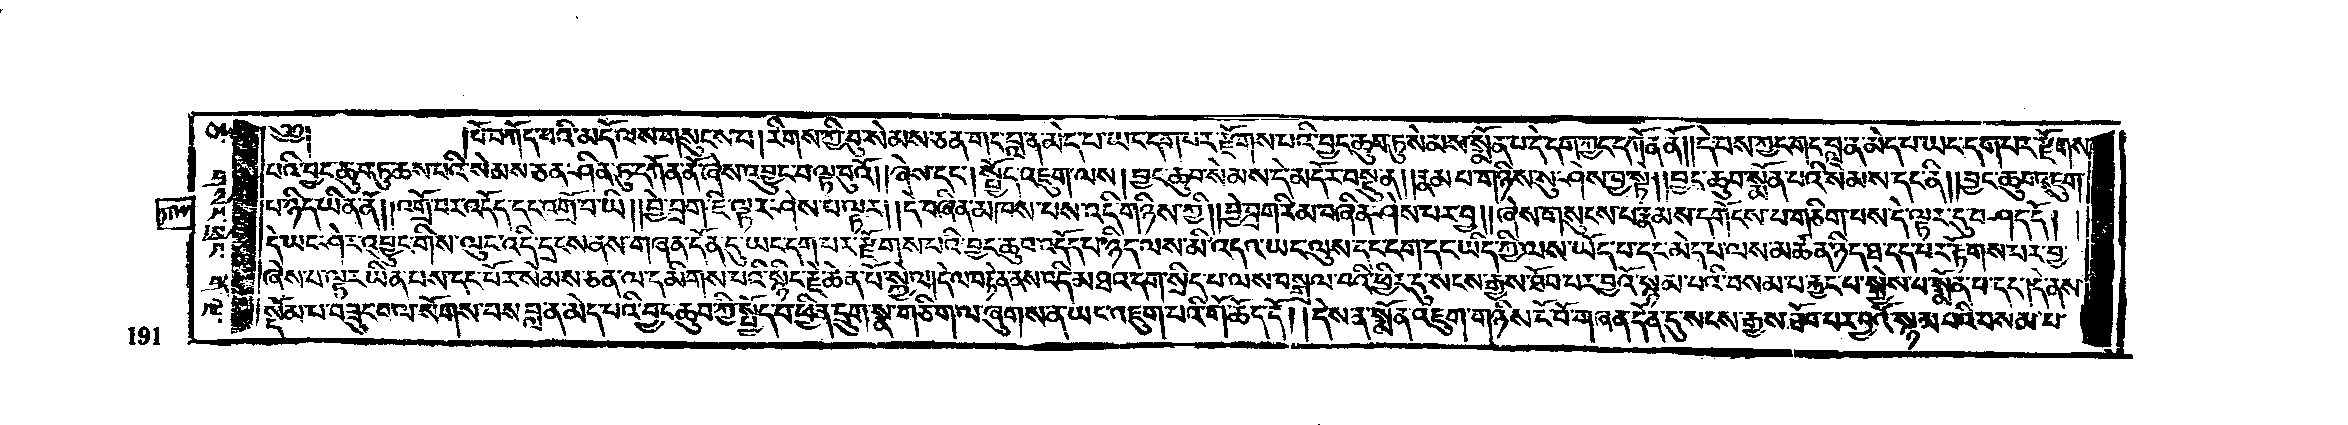༄༅། །པོ་བཀོད་པའི་མདོ་ལས་གསུངས་པ། རིགས་ཀྱི་བུ་སེམས་ཅན་གང་བླ་ན་མེད་པ་ཡང་དག་པར་རྫོགས་པའི་བྱང་ཆུབ་ཏུ་སེམས་སྨོན་པ་དེ་དག་ཀྱང་དཀོན་ནོ། །དེ་བས་ཀྱང་གང་བླ་ན་མེད་པ་ཡང་དག་པར་རྫོགས་
པའི་བྱང་ཆུབ་ཏུ་ཆས་པའི་སེམས་ཅན་ཤིན་ཏུ་དཀོན་ནོ་ཞེས་འབྱུང་བ་ལྟ་བུའོ། །ཞེས་དང་། སྤྱོད་འཇུག་ལས། བྱང་ཆུབ་སེམས་དེ་མདོར་བསྡུ་ན། །རྣམ་པ་གཉིས་སུ་ཤེས་བྱ་སྟེ། །བྱང་ཆུབ་སྨོན་པའི་སེམས་དང་ནི། །བྱང་ཆུབ་འཇུག་
པ་ཉིད་ཡིན་ནོ། །འགྲོ་བར་འདོད་དང་འགྲོ་བ་ཡི། །བྱེ་བྲག་ཇི་ལྟར་ཤེས་པ་ལྟར། །དེ་བཞིན་མཁས་པས་འདི་གཉིས་ཀྱི། །བྱེ་བྲག་རིམ་བཞིན་ཤེས་པར་བྱ། །ཞེས་གསུངས་པ་རྣམས་དགོངས་པ་གཅིག་པས་དེ་ལྟར་དུ་བཤད་དོ། །
དེ་ཡང་ཤེར་འབྱུང་གིས་ལུང་འདི་དྲངས་ནས་གཞན་དོན་དུ་ཡང་དག་པར་རྫོགས་པའི་བྱང་ཆུབ་འདོད་པ་ཉིད་ལས་མི་འདའ་ཡང་ལུས་དང་ངག་དང་ཡིད་ཀྱི་ལས་ཡོད་པ་དང་མེད་པ་ལས་མཚན་ཉིད་ཐ་དད་པར་རྟོགས་པར་བྱ་
ཞེས་པ་ལྟར་ཡིན་པས་དང་པོར་སེམས་ཅན་ལ་དམིགས་པའི་སྙིང་རྗེ་ཆེན་པོ་སྐྱེ་ལ། དེ་ལ་བརྟེན་ནས་འདི་མཐའ་དག་སྲིད་པ་ལས་བསྒྲལ་བའི་ཕྱིར་དུ་སངས་རྒྱས་ཐོབ་པར་བྱའོ་སྙམ་པའི་བསམ་པ་རྐྱང་པ་སྐྱེས་པ་སྨོན་པ་དང་། དེ་ནས་
སྡོམ་པ་བཟུང་བ་ལ་སོགས་པས་བླ་ན་མེད་པའི་བྱང་ཆུབ་ཀྱི་སྤྱོད་པ་ཕྱིན་དྲུག་སྣ་གཅིག་ལ་ཞུགས་ན་ཡང་འཇུག་པའི་གོ་ཆོད་དོ། །དེས་ན་སྨོན་འཇུག་གཉིས་ངོ་བོ་གཞན་དོན་དུ་སངས་རྒྱས་ཐོབ་པར་བྱའོ་སྙམ་པའི་བསམ་པ་